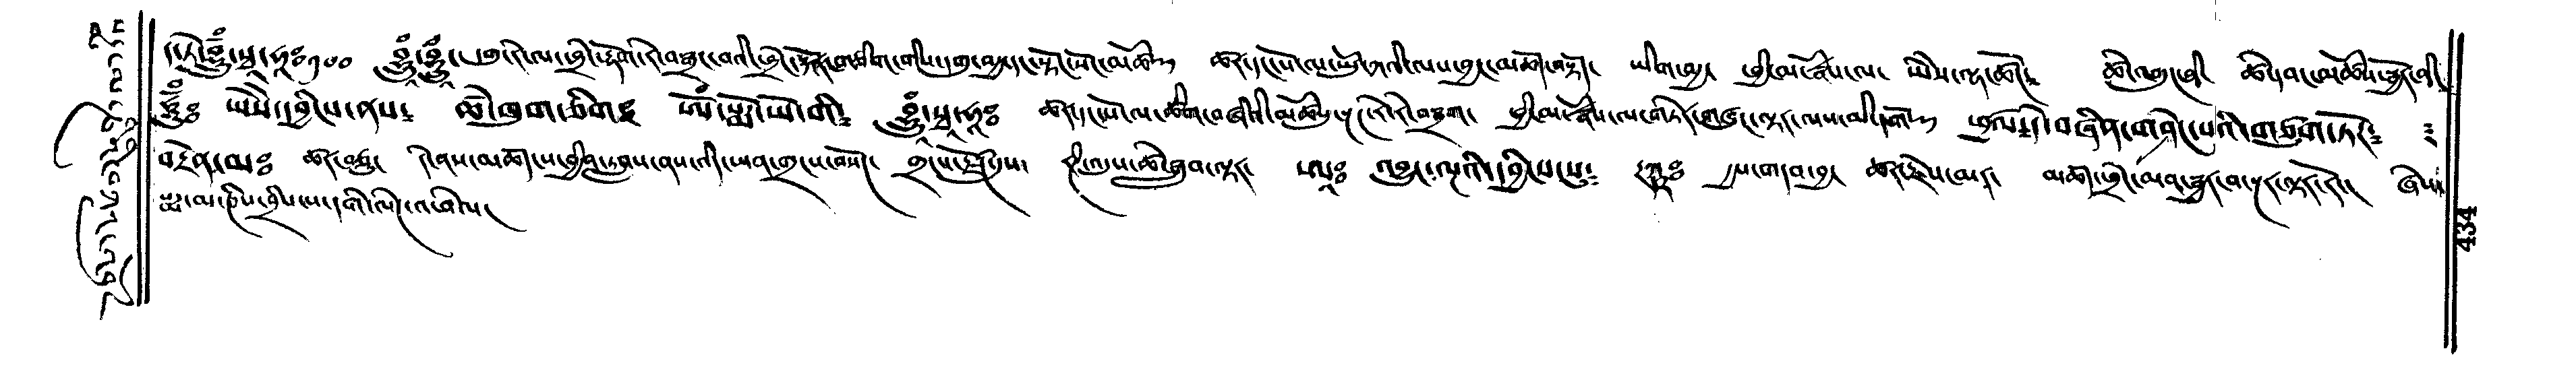ད་ཏེ་བྷྲཱུྃ་སྭ་ཧཱཿ བརྒྱ། བྷྲཱུྃ་བྷྲཱུྃཿ དགུ་རེ་ལ་ཕྲེང་རྡོག་རེ་བསྒྲངས་བའི་ཕྲེང་སྐོར་གཅིག་གིས་དགུ་བརྒྱ་དང་སྟོང་སོང་མཚམས། ཚར་དང་པོ་ལ་ཡུམ་ཀའི་ལས་བྱང་མཆོད་བསྟོད། ཡིག་བརྒྱ། ཕྱི་མ་རྣམས་ལ། ཡེ་ཤེས་ལྷ་ཚོགས༴ ཚེ་འགུགས་ནི། ཚེ་དབང་མཚམས་སྦྱོར་ནི། 
ཧཱུྃཿ ཡེ་ཤེས་དབྱིངས་ནས༴ ཚེ་ཁུག་ཅིགཿ ཨོཾ་པདྨོ་ཡོ་གི༴ བྷྲཱུྃ་སྭ་ཧཱ༔ ཚར་དང་པོ་ལ་ཚིག་བཞིའི་མཚམས་སུ་རེ་རེ་སྦྲག ཕྱི་མ་རྣམས་ལ་གཏེར་གཞུང་ལྟར་ལས་མི་དགོས། ཕྱག་འཚལ་དེ་བཞིན་གཤེགས་པའི་གཙུག་གཏོར། 
བསྟེན་མ། ཚར་བཅུ། དེ་ནས་མཆོད་པ་བྱིན་རླབས་ནས་འདི་ཡན་གྲངས་བསོག གྲངས་རྫོགས་དུས། རིགས་འདུས་ཚེ་སྒྲུབ་ལྟར། ཨཱཿ འབྱུང་ལྔའི་དབྱིངས་སུ༴ རཀྵཿ རྒྱས་གདབ་བྱ། ཚར་རྗེས་མར། མཆོད་ཕྲེང་མན་སྦྱར་བ་སྔར་ལྟར་རོ།། ཞེས་
པདྨ་མ་ཎིས་བྲིས་པ་དགེ་ལེགས་འཕེལ།། དགེའོ།།